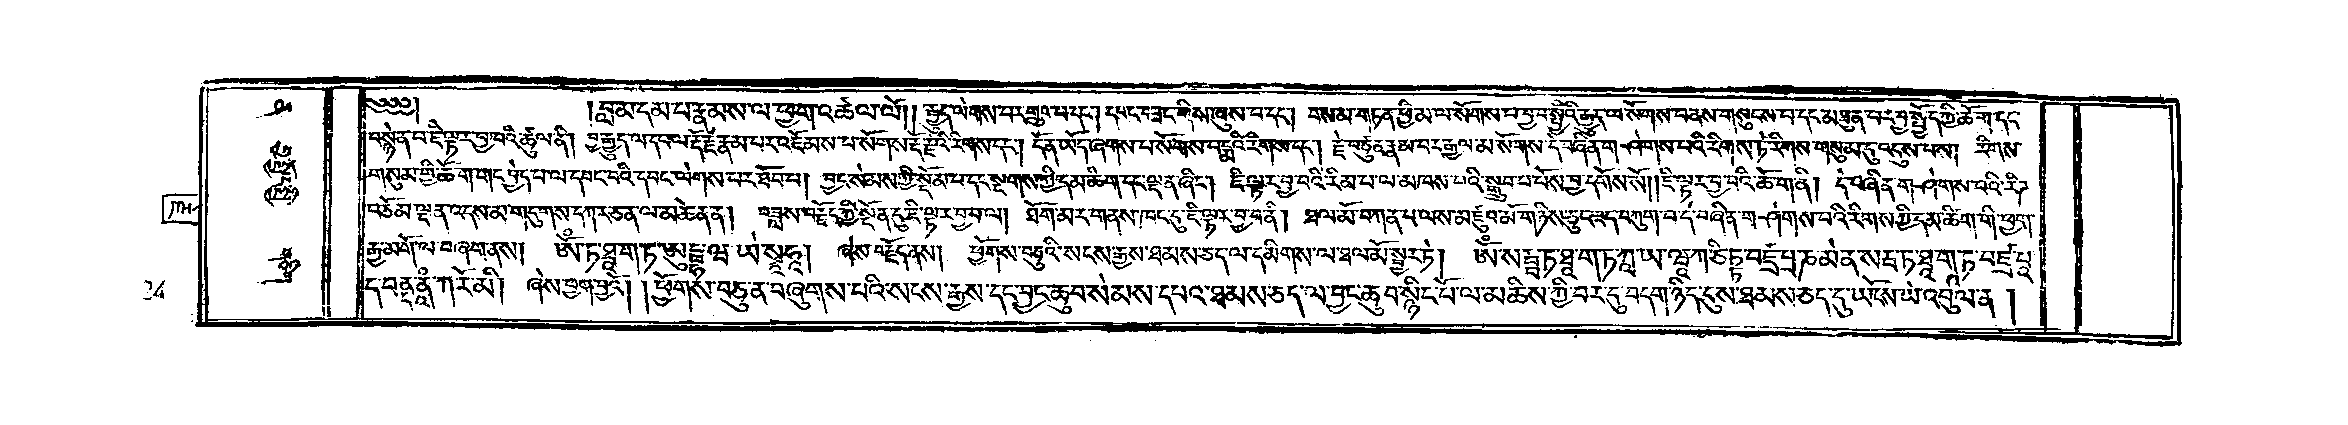༄༅༅། །བླ་མ་དམ་པ་རྣམས་ལ་ཕྱག་འཚལ་ལོ། །རྒྱུད་ལེགས་པར་གྲུབ་པ་དང་། དབང་བཟང་གིས་ཞུས་པ་དང་། བསམ་གཏན་ཕྱི་མ་ལ་སོགས་པ་བྱ་བ་སྤྱིའི་རྒྱུད་ལ་སོགས་པ་ནས་གསུངས་པ་དང་མཐུན་པར་བྱ་སྤྱོད་ཀྱི་ཆོ་ག་དང་
བསྙེན་པ་ཇི་ལྟར་བྱ་བའི་ཚུལ་ནི། བྱ་རྒྱུད་ལ་དཔལ་རྡོ་རྗེ་རྣམ་པར་འཇོམས་པ་སོགས་རྡོ་རྗེའི་རིགས་དང་། དོན་ཡོད་ཞགས་པ་སོགས་པདམའི་རིགས་དང་། རྗེ་བཙུན་རྣམ་པར་རྒྱལ་མ་སོགས་དེ་བཞིན་གཤེགས་པའི་རིགས་ཏེ་རིགས་གསུམ་དུ་འདུས་པས། རིགས་
གསུམ་གྱི་ཆོ་ག་གང་བྱེད་པ་ལ་དབང་བའི་དབང་ལེགས་པར་ཐོབ་པ། བྱང་སེམས་ཀྱི་སྡོམ་པ་དང་སྔགས་ཀྱི་དམ་ཚིག་དང་ལྡན་ཞིང་། ཇི་ལྟར་བྱ་བའི་རིམ་པ་ལ་མཁས་པའི་སྒྲུབ་པ་པོས་བྱ་དགོས་སོ། །ཇི་ལྟར་བྱ་བའི་ཆོ་ག་ནི། དེ་བཞིན་གཤེགས་པའི་རིགས་
བཅོམ་ལྡན་འདས་མ་གདུགས་དཀར་ཅན་ལ་ཆེན་ན། བཟླས་བརྗོད་ཀྱི་སྔོན་དུ་ཇི་ལྟར་བྱ་བ་ལ། ཐོག་མར་གནས་ཁང་དུ་ཇི་ལྟར་བྱ་བ་ནི། ཐལ་མོ་བཀན་པ་ལས་མཛུབ་མོ་གཉིས་ཅུང་ཟད་བཀུག་པ་དེ་བཞིན་གཤེགས་པའི་རིགས་ཀྱི་དམ་ཚིག་གི་ཕྱག་
རྒྱ་མགོ་ལ་བཞག་ནས། ཨོཾ་ཏ་ཐཱ་ག་ཏ་ཨུདབྷ་ཝ་ཡེ་སྭཱཧཱ། ཞེས་བརྗོད་ནས། ཕྱོགས་བཅུའི་སངས་རྒྱས་ཐམས་ཅད་ལ་དམིགས་ལ་ཐལ་མོ་སྦྱར་ཏེ།  ཨོཾ་སརྦྦ་ཏ་ཐཱ་ག་ཏ་ཀཱ་ཡ་ཝཱ་ཀ་ཅི་ཏྟ་བཛྲ་པྲ་ཎ་མེ་ན་སརྦ་ཏ་ཐཱ་ག་ཏ་བཛྲ་པཱ་
ད་བནྡ་ནཱཾ་ཀ་རོ་མི། ཞེས་ཕྱག་བྱའོ།  །ཕྱོགས་བཅུ་ན་བཞུགས་པའི་སངས་རྒྱས་དང་བྱང་ཆུབ་སེམས་དཔའ་ཐམས་ཅད་ལ་བྱང་ཆུབ་སྙིང་པོ་ལ་མཆིས་ཀྱི་བར་དུ་བདག་ཉིད་དུས་ཐམས་ཅད་དུ་ཡོངས་ཡེ་འབུལ་ན།